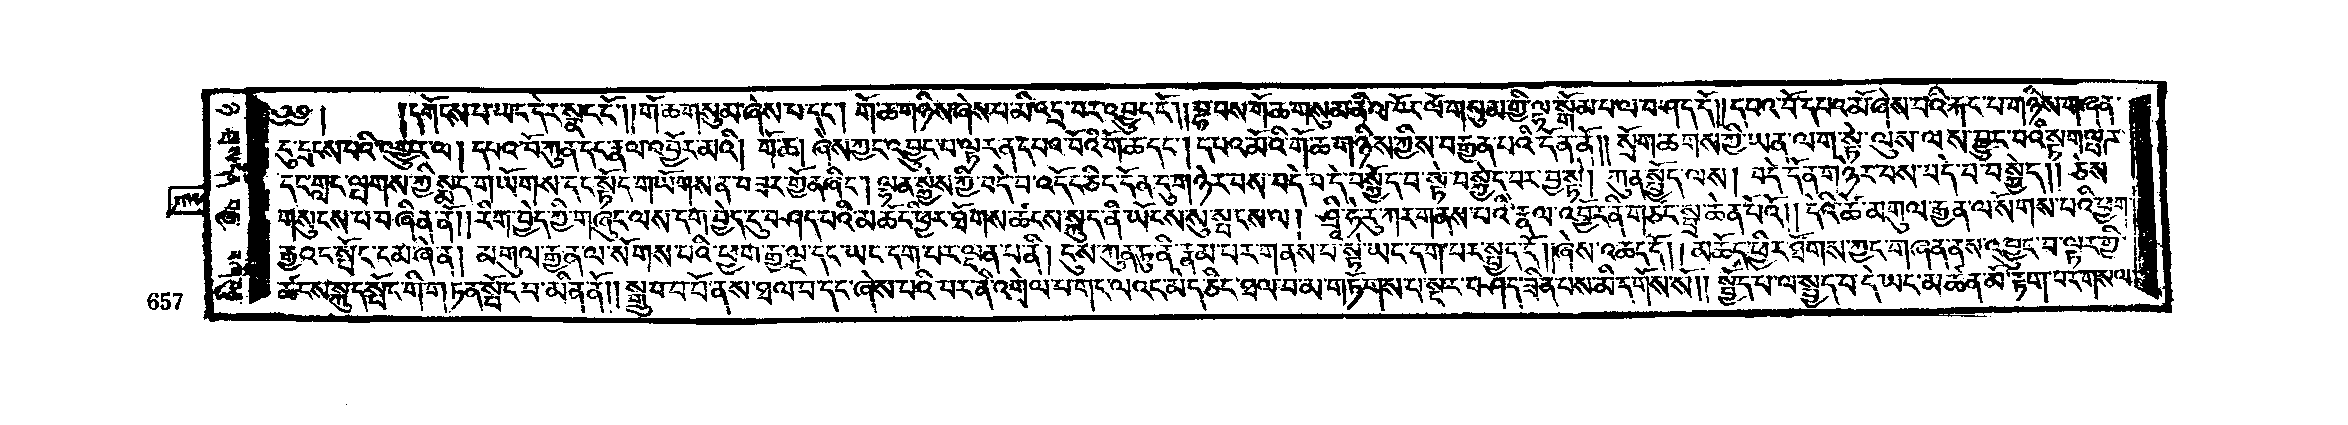༄༅། །དགོངས་པ་ཡང་དེར་སྣང་ངོ། །གོ་ཆ་གསུམ་ཞེས་པ་དང་། གོ་ཆ་གཉིས་ཞེས་པ་མི་འདྲ་བར་འབྱུང་ངོ། །བྷ་བས་གོ་ཆ་གསུམ་ནི་འཁོར་ལོ་གསུམ་གྱི་ལྷ་སྒོམ་པ་ལ་བཤད་དོ། །དཔའ་བོ་དཔའ་མོ་ཞེས་པའི་རྐང་པ་གཉིས་གཞན་
དུ་དྲངས་པའི་འགྱུར་ལ། དཔའ་བོ་ཀུན་དང་རྣལ་འབྱོར་མའི། གོ་ཆ། ཞེས་ཀྱང་འབྱུང་བ་ལྟར་ན་དཔའ་བོའི་གོ་ཆ་དང་། དཔའ་མོའི་གོ་ཆ་གཉིས་ཀྱིས་བརྒྱན་པའི་དོན་ནོ། །སྲོག་ཆགས་ཀྱི་ཡན་ལག་སྟེ་ལུས་ལས་བྱུང་བའི་སྟག་ལྤགས་
དང་གླང་ལྤགས་ཀྱི་སྨད་གཡོགས་དང་སྟོད་གཡོགས་ན་བཟར་གྱོན་ཞིང་། ལྷན་སྐྱེས་ཀྱི་བདེ་བ་འདོད་ཅིང་དོན་དུ་གཉེར་བས་བདེ་བ་དེ་བསྐྱོད་པ་སྟེ་བསྐྱེད་པར་བྱ་སྟེ། ཀུན་སྤྱོད་ལས། བདེ་དོན་གཉེར་བས་བདེ་བ་བསྐྱེད། །ཅེས་
གསུངས་པ་བཞིན་ནོ། །རིག་བྱེད་ཀྱི་གཞུང་ལས་དག་བྱེད་དུ་བཤད་པའི་མཆོད་ཕྱིར་ཐོགས་ཚངས་སྐུད་ནི་ཡོངས་སུ་སྤངས་ལ། ཤྲཱི་ཧེ་རུ་ཀར་གནས་པའི་རྣལ་འབྱོར་ནི་གཙང་སྦྲ་ཆེན་པོའོ། །དེའི་ཚེ་མགུལ་རྒྱན་ལ་སོགས་པའི་ཕྱག་
རྒྱའང་སྤོང་ངམ་ཞེ་ན། མགུལ་རྒྱན་ལ་སོགས་པའི་ཕྱག་རྒྱ་ལྔ་དང་ཡང་དག་པར་ལྡན་པ་ནི། དུས་ཀུན་ཏུ་ནི་རྣམ་པར་གནས་པ་སྟེ་ཡང་དག་པར་སྤྱད་དོ། །ཞེས་འཆད་དེ། །མཆོད་ཕྱིར་ཐོགས་ཀྱང་གཞན་ནས་འབྱུང་བ་ལྟར་གྱི་
ཚངས་སྐུད་སྤོང་གི་གཏན་སྤོང་བ་མིན་ནོ། །སྒྲུབ་པ་པོ་ནས་ཐལ་བ་དང་ཞེས་པའི་བར་ནི་འགྲེལ་པ་གང་ལའང་མེད་ཅིང་ཐལ་བ་མ་གཏོགས་པ་སྔར་བཤད་ཟིན་པས་མི་དགོས་སོ། །སྤྱོད་པ་ལ་སྤྱད་པ་དེ་ཡང་མཚན་མོ་རྟག་པར་གསལ་